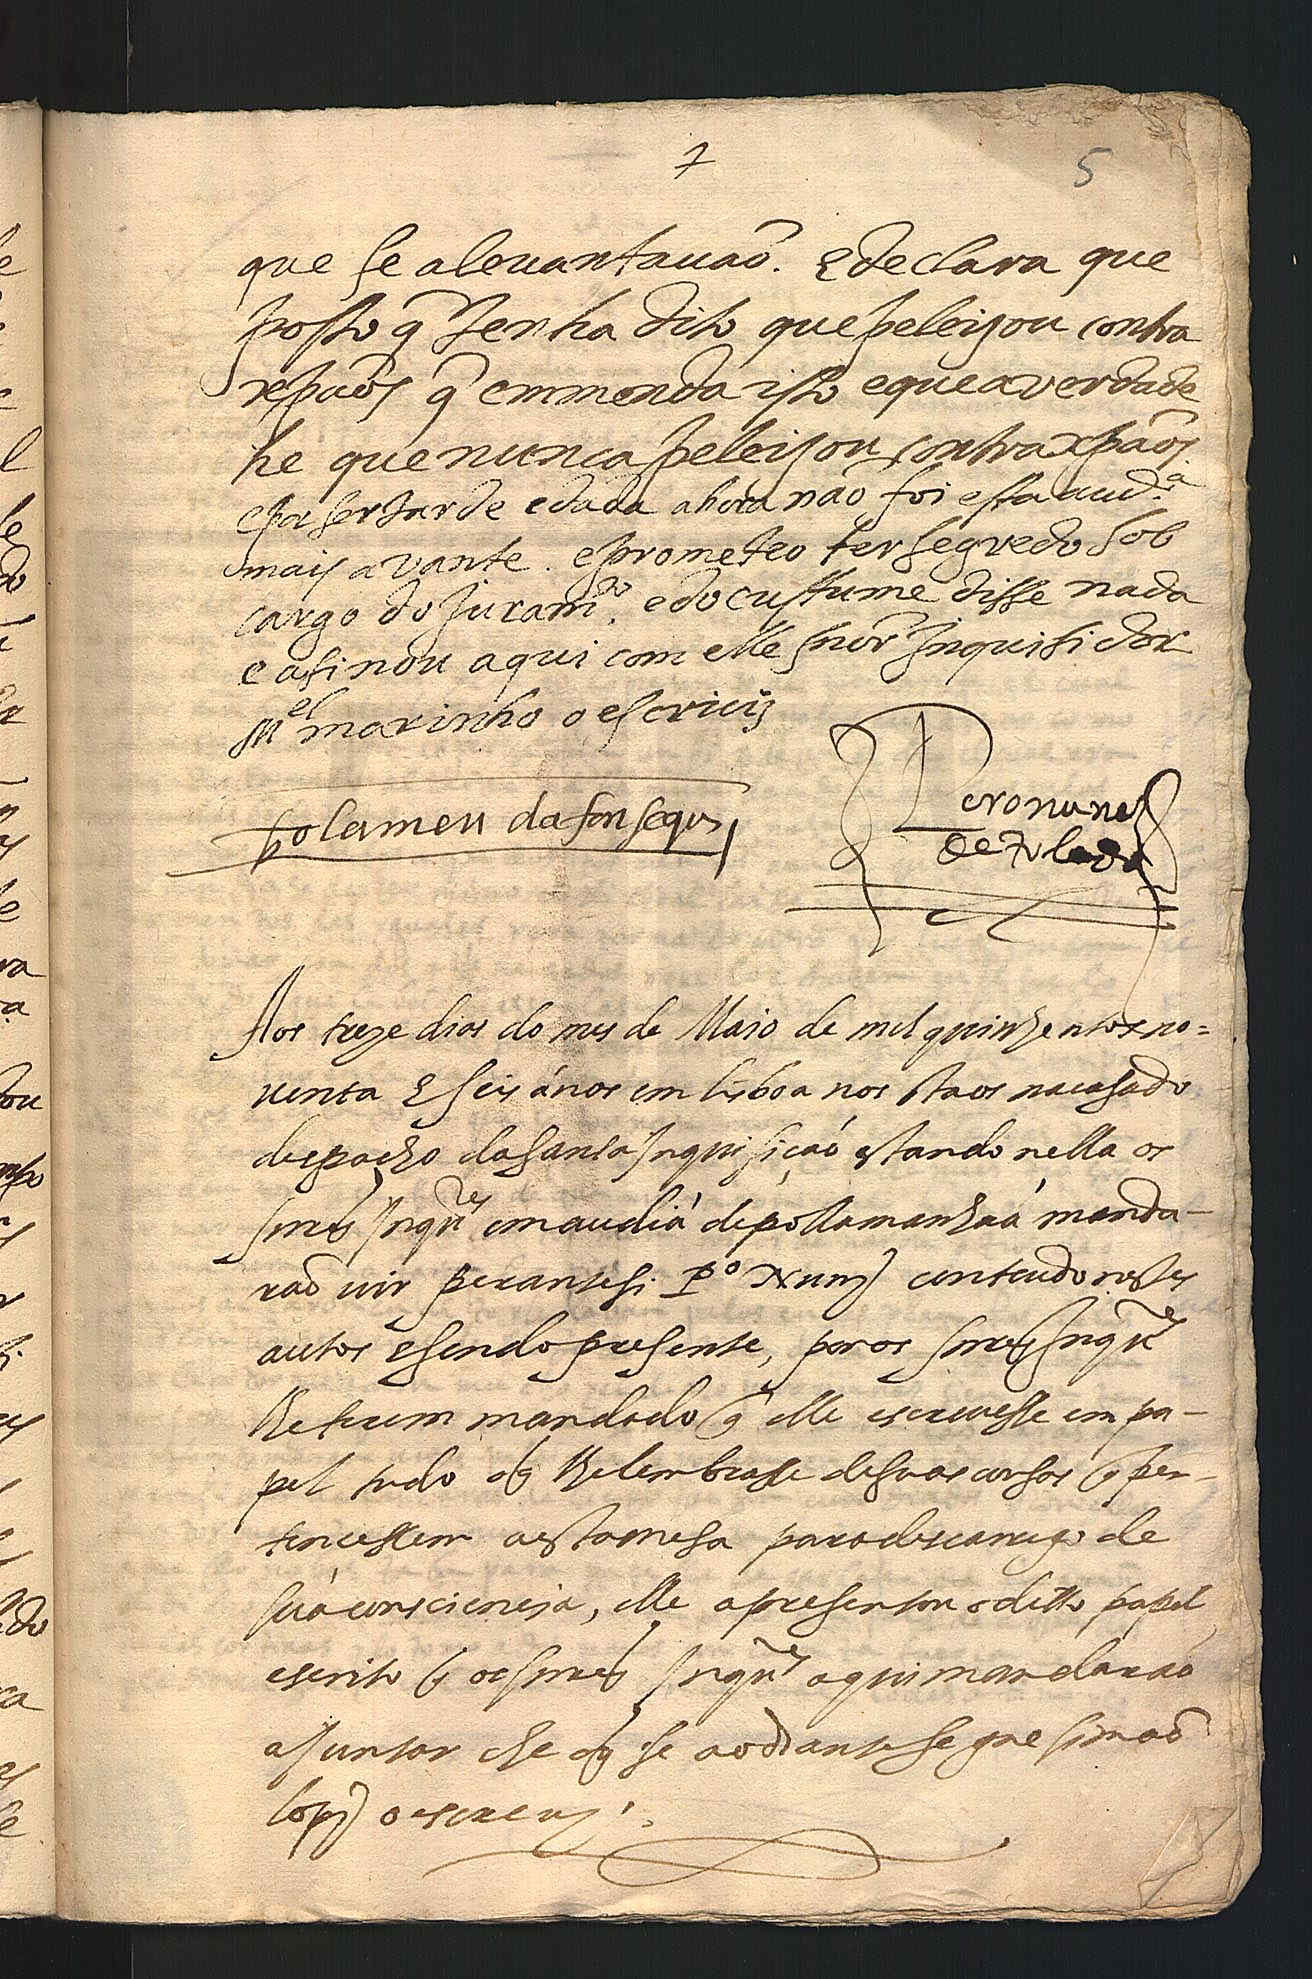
que se aleuantauaõ. E declara que
posto q̄ tenha dito que peleijou contra
xpaõs q̄ emmenda isso e que a verdade
he que nunca peleijou contra xpaõs
e por ser tarde e dada a hora naõ foi esta aud.a
mais avante. e prometeo ter segredo sob
cargo do Juramto, e do custume disse nada
e asinou aqui com elle snor̄ Jnquisidor
Mel marinho o escriuj
b̄olameu da fonseqa
Pero nunez
de toledo
Aos treze dias do mes de Maio de mil quinhentos no
uenta E seis anos em lisboa nos staos na casa do
despacho da santa Jnquisiçaõ estando nella os
snres̄ Jnqures em audiā de polla manhaā manda
raõ uir perante si Po Nunz̄ conteudo nestes
autos E sendo presente, por os snres̄ Jnqures
lhe terem mandado q̄ elle escreuesse em pa
pel tudo o q̄ lhe lembrasse de suas cousas q̄ per
tencessem a esta mesa para descarrego de
sua consciencia, elle apresentou o ditto papel
escrito q̄ os snres̄ Jnqures aqui mandaraõ
ajuntar e he o q̄ se ao diante segue simaõ
lopz̄ o escreuj
